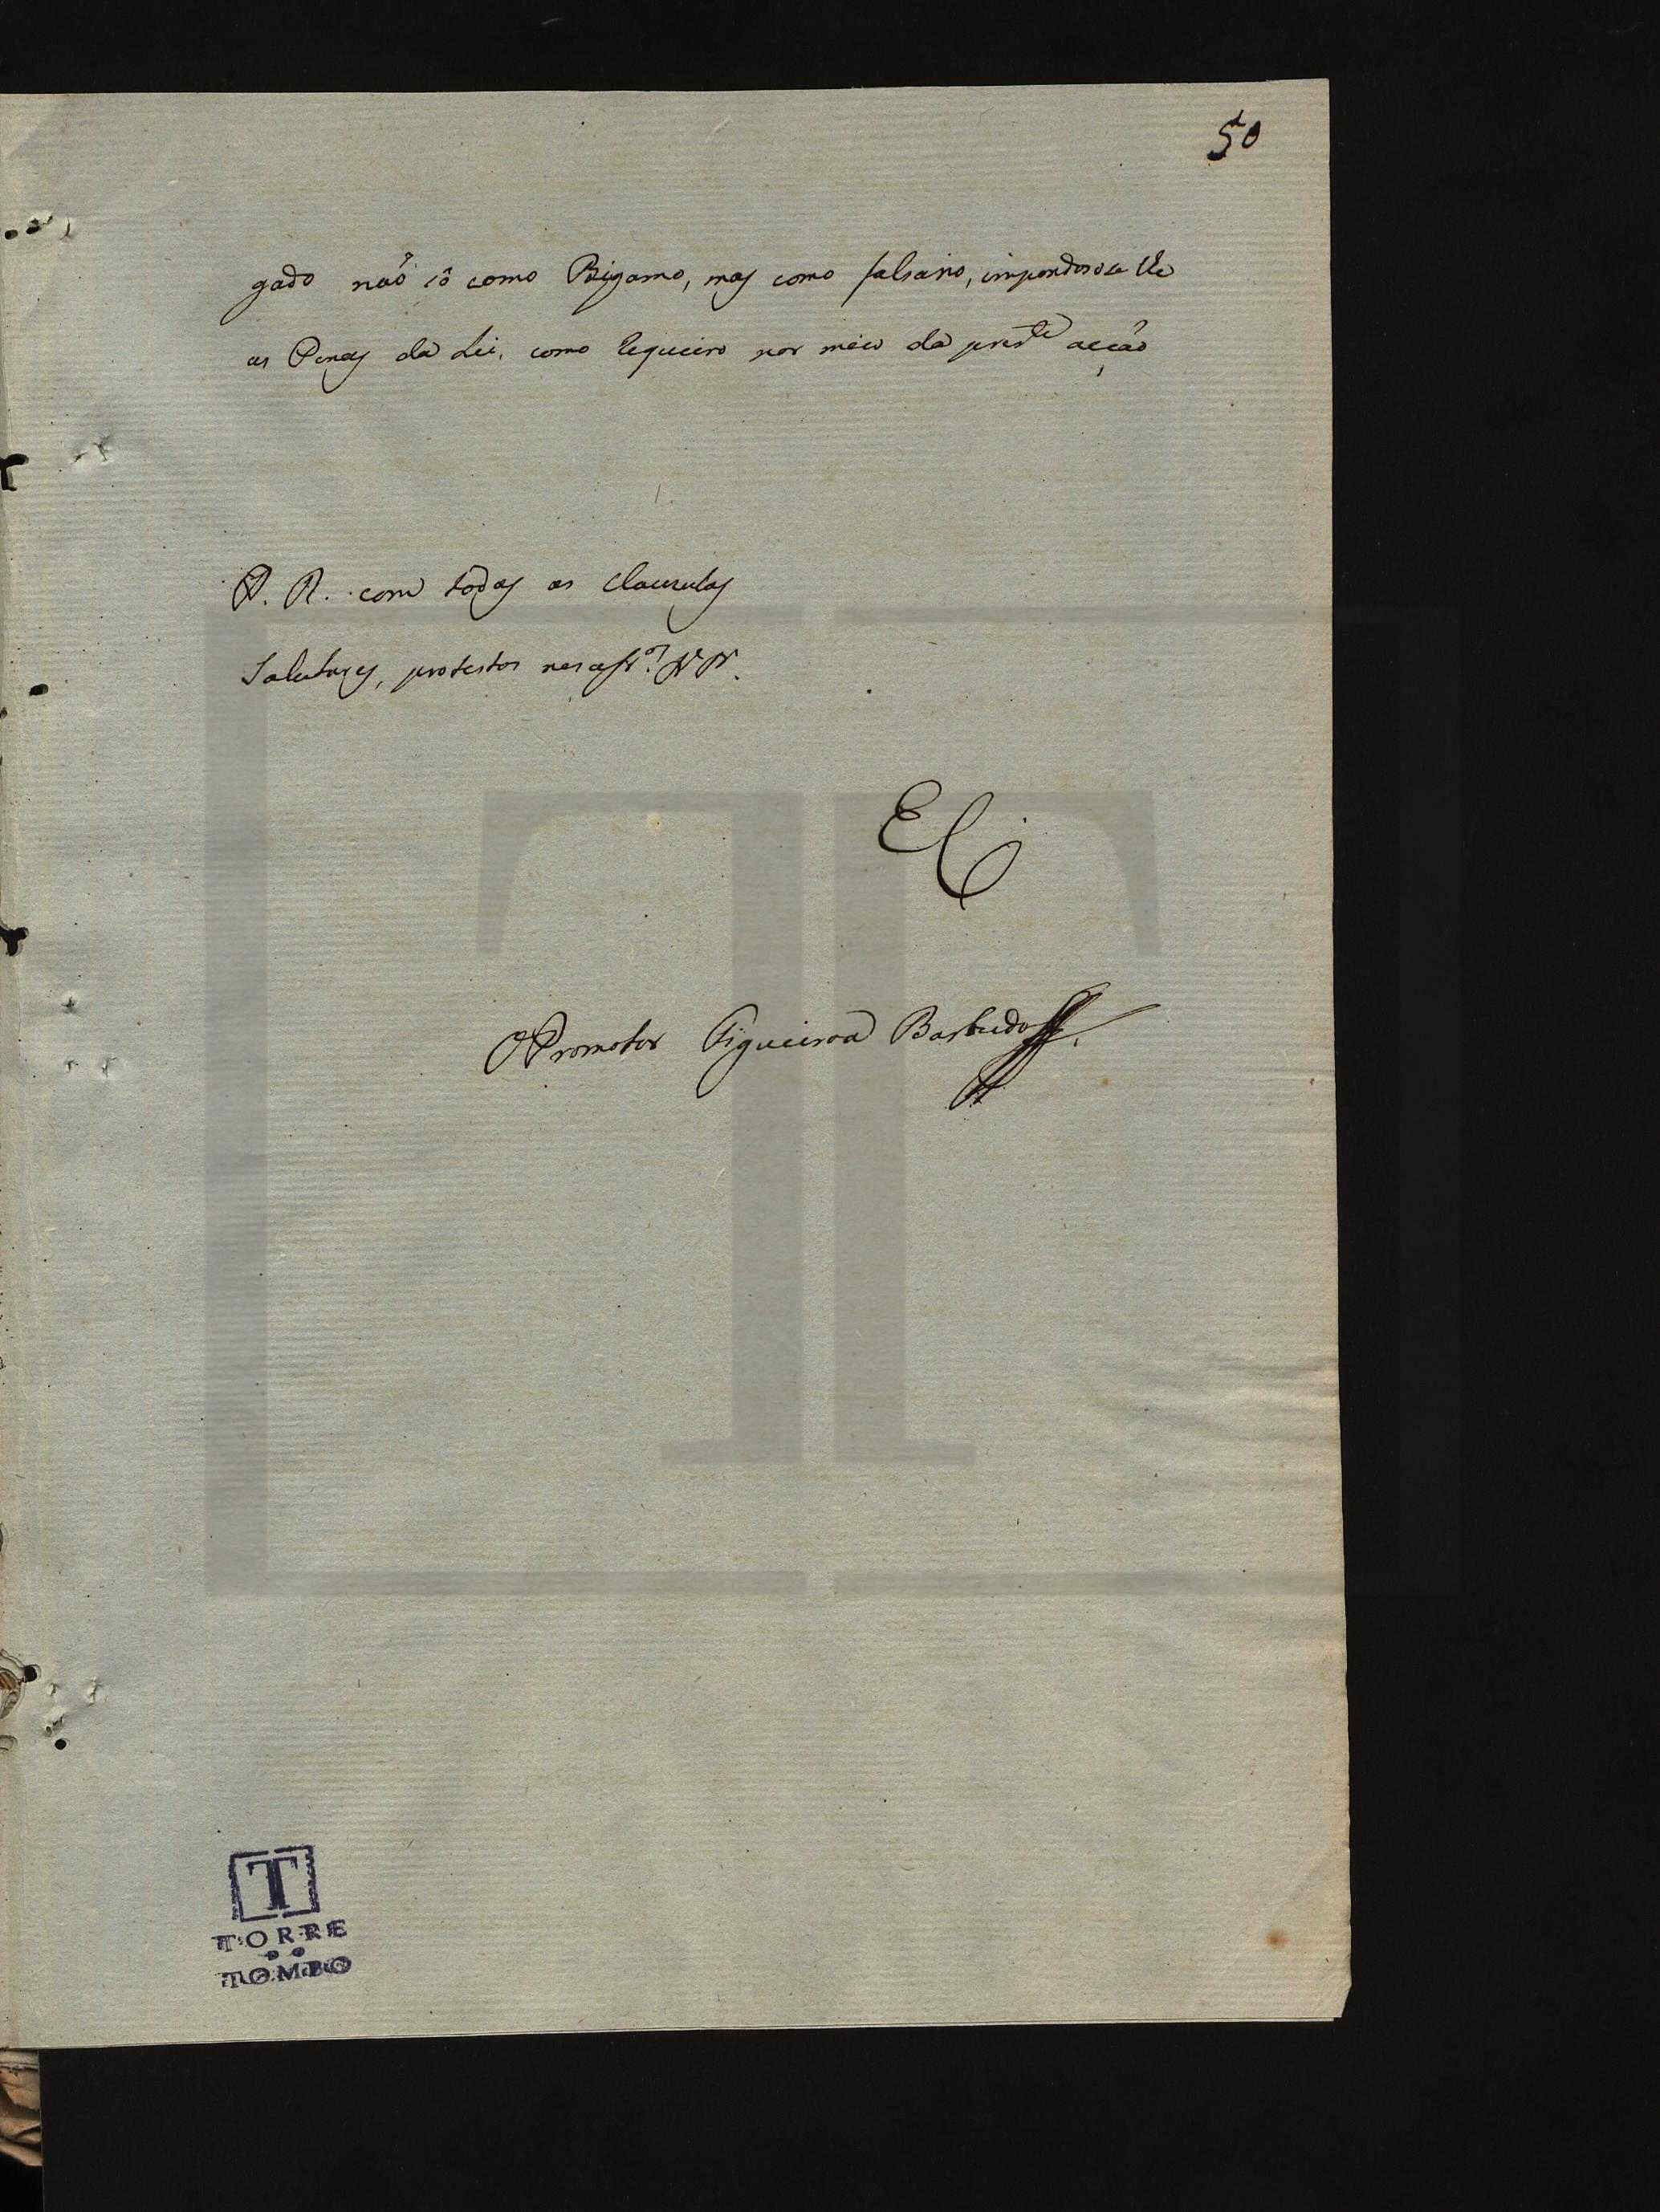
gado naõ só como Bigamo, mas como falsario, impondose se lhe
as Penas da Lei, como Requeiro por meio da preste acçaõ
P. R. com todas as Clauzulas
Salutares, protestos nas afr.os V V.
O Promotor Figueiroa Barbudo
